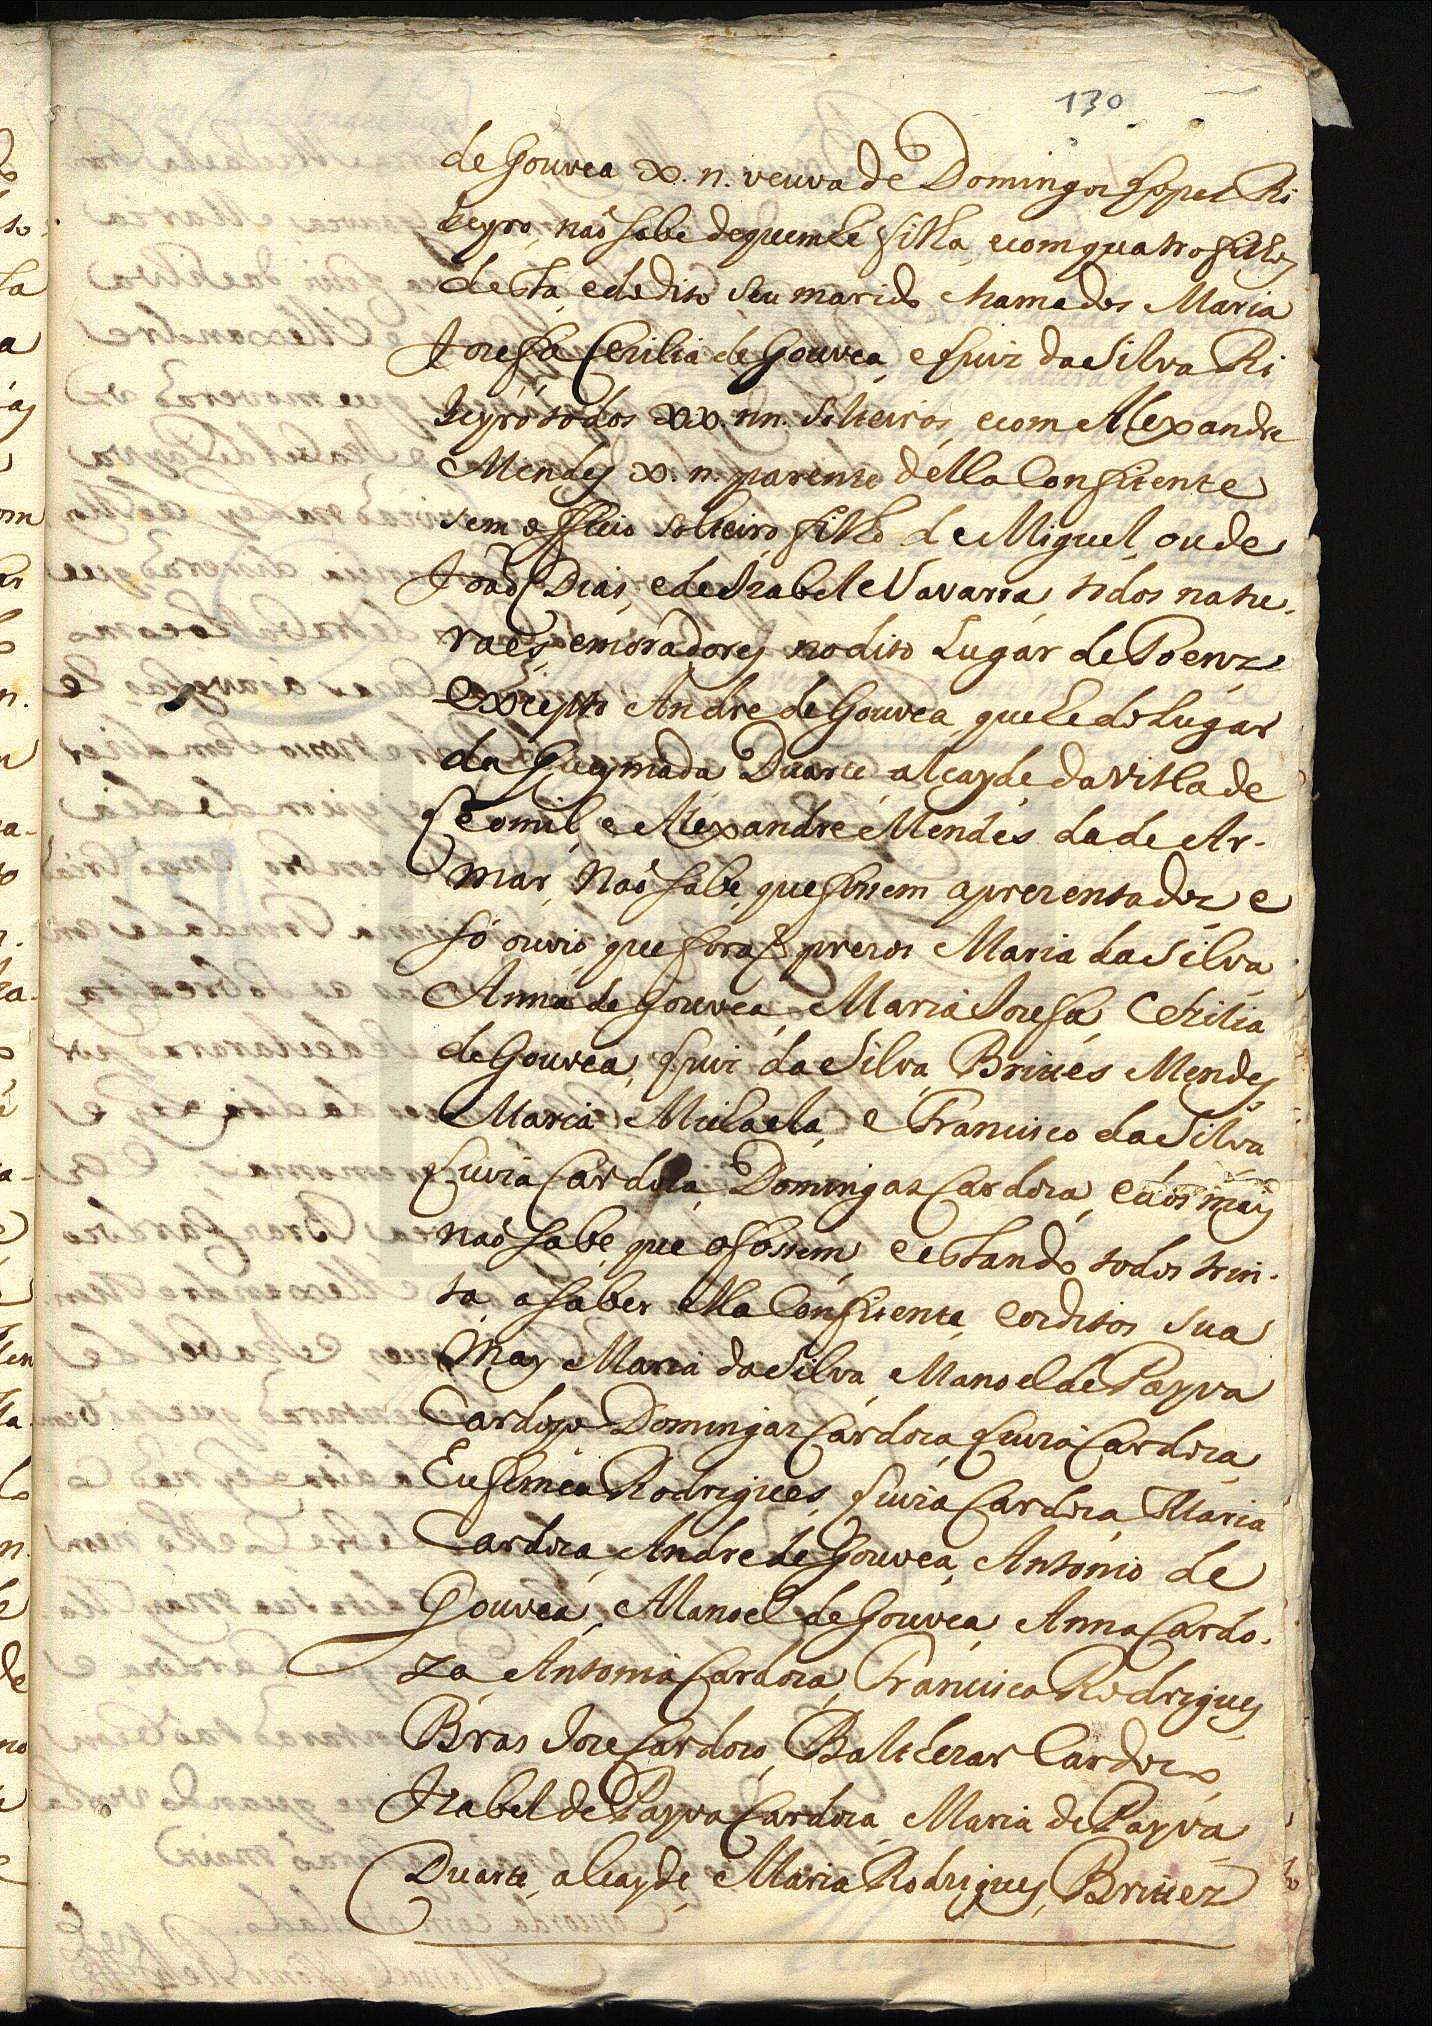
de Gouvea x. n. veuva de Domingos Lopes Ri
beyro, naõ sabe de quem he filha, e com quatro filhos
desta, e do dito seu marido chamados Maria
Iozefa Cezilia de Gouvea, e Luiz da Silva Ri
beyro todos xx. nn. solteiros, e com Alexandre
Mendes x. n. parente della confitente
sem officio solteiro, filho de Miguel, ou de
João Dias, e de Izabel Navarra, todos natu
raes, e moradores no dito Lugar de Toenz
excepto Andre de Gouvea, que he do Lugar
da Queymada Duarte alcayde da villa de
Leomil, e Alexandre Mendes da de Ar
mar, naõ sabe, que fossem aprezentados, e
só ouvio, que foraõ prezos Maria da Silva,
Anna de Gouvea, Maria Iozefa, Cezilia
de Gouvea, Luiz da Silva, Brittes Mendes,
Maria Michaela, e Francisco da Silva,
Luiza Cardoza, Domingas Cardoza, e dos mais
naõ sabe, que o fossem, e estando todos trin
ta, a saber ella Confitente, e os ditos sua
may Maria da Silva, e Manoel de Payva
Cardoso Domingas Cardoza, Luiza Cardoza,
Eufemea Rodrigues, Luiza Cardoza, Maria
Cardoza, Andre de Gouvea, Antonio de
Gouvea, Manoel de Gouvea, Anna Cardo
za, Antonia Cardoza, Francisco Rodrigues,
Bras Ioze Cardozo, Balthezar Cardozo,
Izabel de Payva Cardoza, Maria de Payva,
Duarte, alcayde, Maria Rodrigues, Brittez
